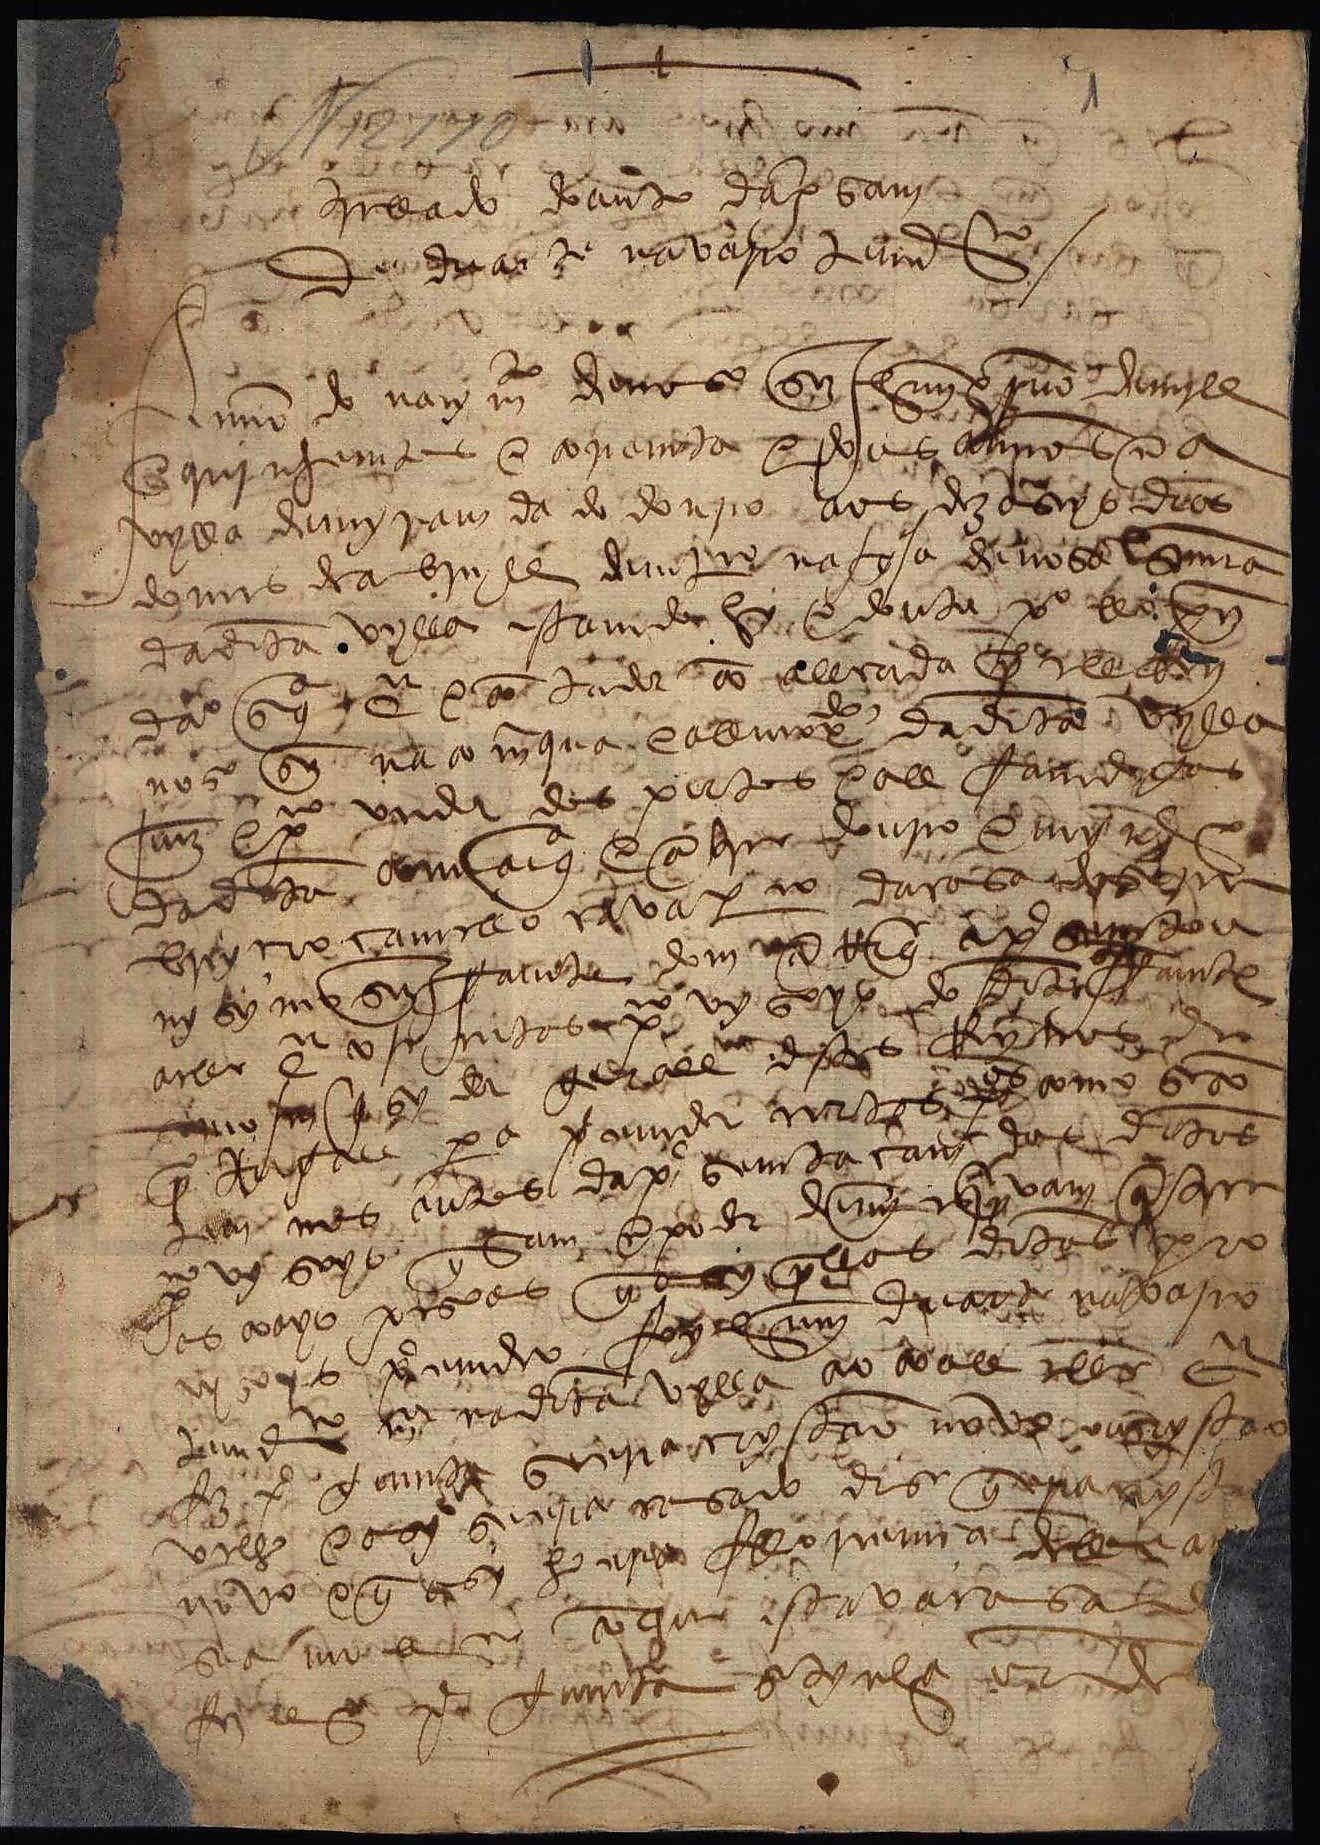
trellado do auto da p̄sam
de duarte navarro temdro /
Anno do nacymto de noso s̄or Jhūu xp̄uo de mjll
e qujnhemtos e coremta e dous annos ē a
vylla de myramda do douro aos dezaseys dias
do mes de abryll demtro na JḡJa de nosa s̄nnra
da dita vyla estamdo hy o doutor po llopez
daoseqa Cor e c̄otador c̄o allçada p̄o ell Rey
noso s̄or na com̄qua e allmoxdo da dita vylla
Juiz e provedor dos portos e allfamdegas
da dita comarqa e ātre douro e mynho
bryçio camello cavaLro da casa do sere
nysymo s̄or Jfamte dom āRiq̄e ap̄semtou
a elle Cor oJe çertas provysoys do dito Jfamte
como Jmq̄sydor gerall destes Reynos de
p̄otugall ꝑa p̄emder certas pas como se cō
tem nos autos dap̄semtaçam das ditas
provysoys q̄ sam ē poder de m̄y esp̄vam ātre
as coays pesoas q̄ asy p̄llas ditas pro
vysoys p̄emdeo foy hum duarte navaro
temdro mor na dita vylla ao coall elle Cor
fez p̄gumta se era crystão novo ou crystao
velho e asy se era casado dise q̄ era crysta
novo e q̄ asy ho era flloremça de lleia
sua molher c̄o que estava casad
fez lhe p̄gumta se tynha ordē
